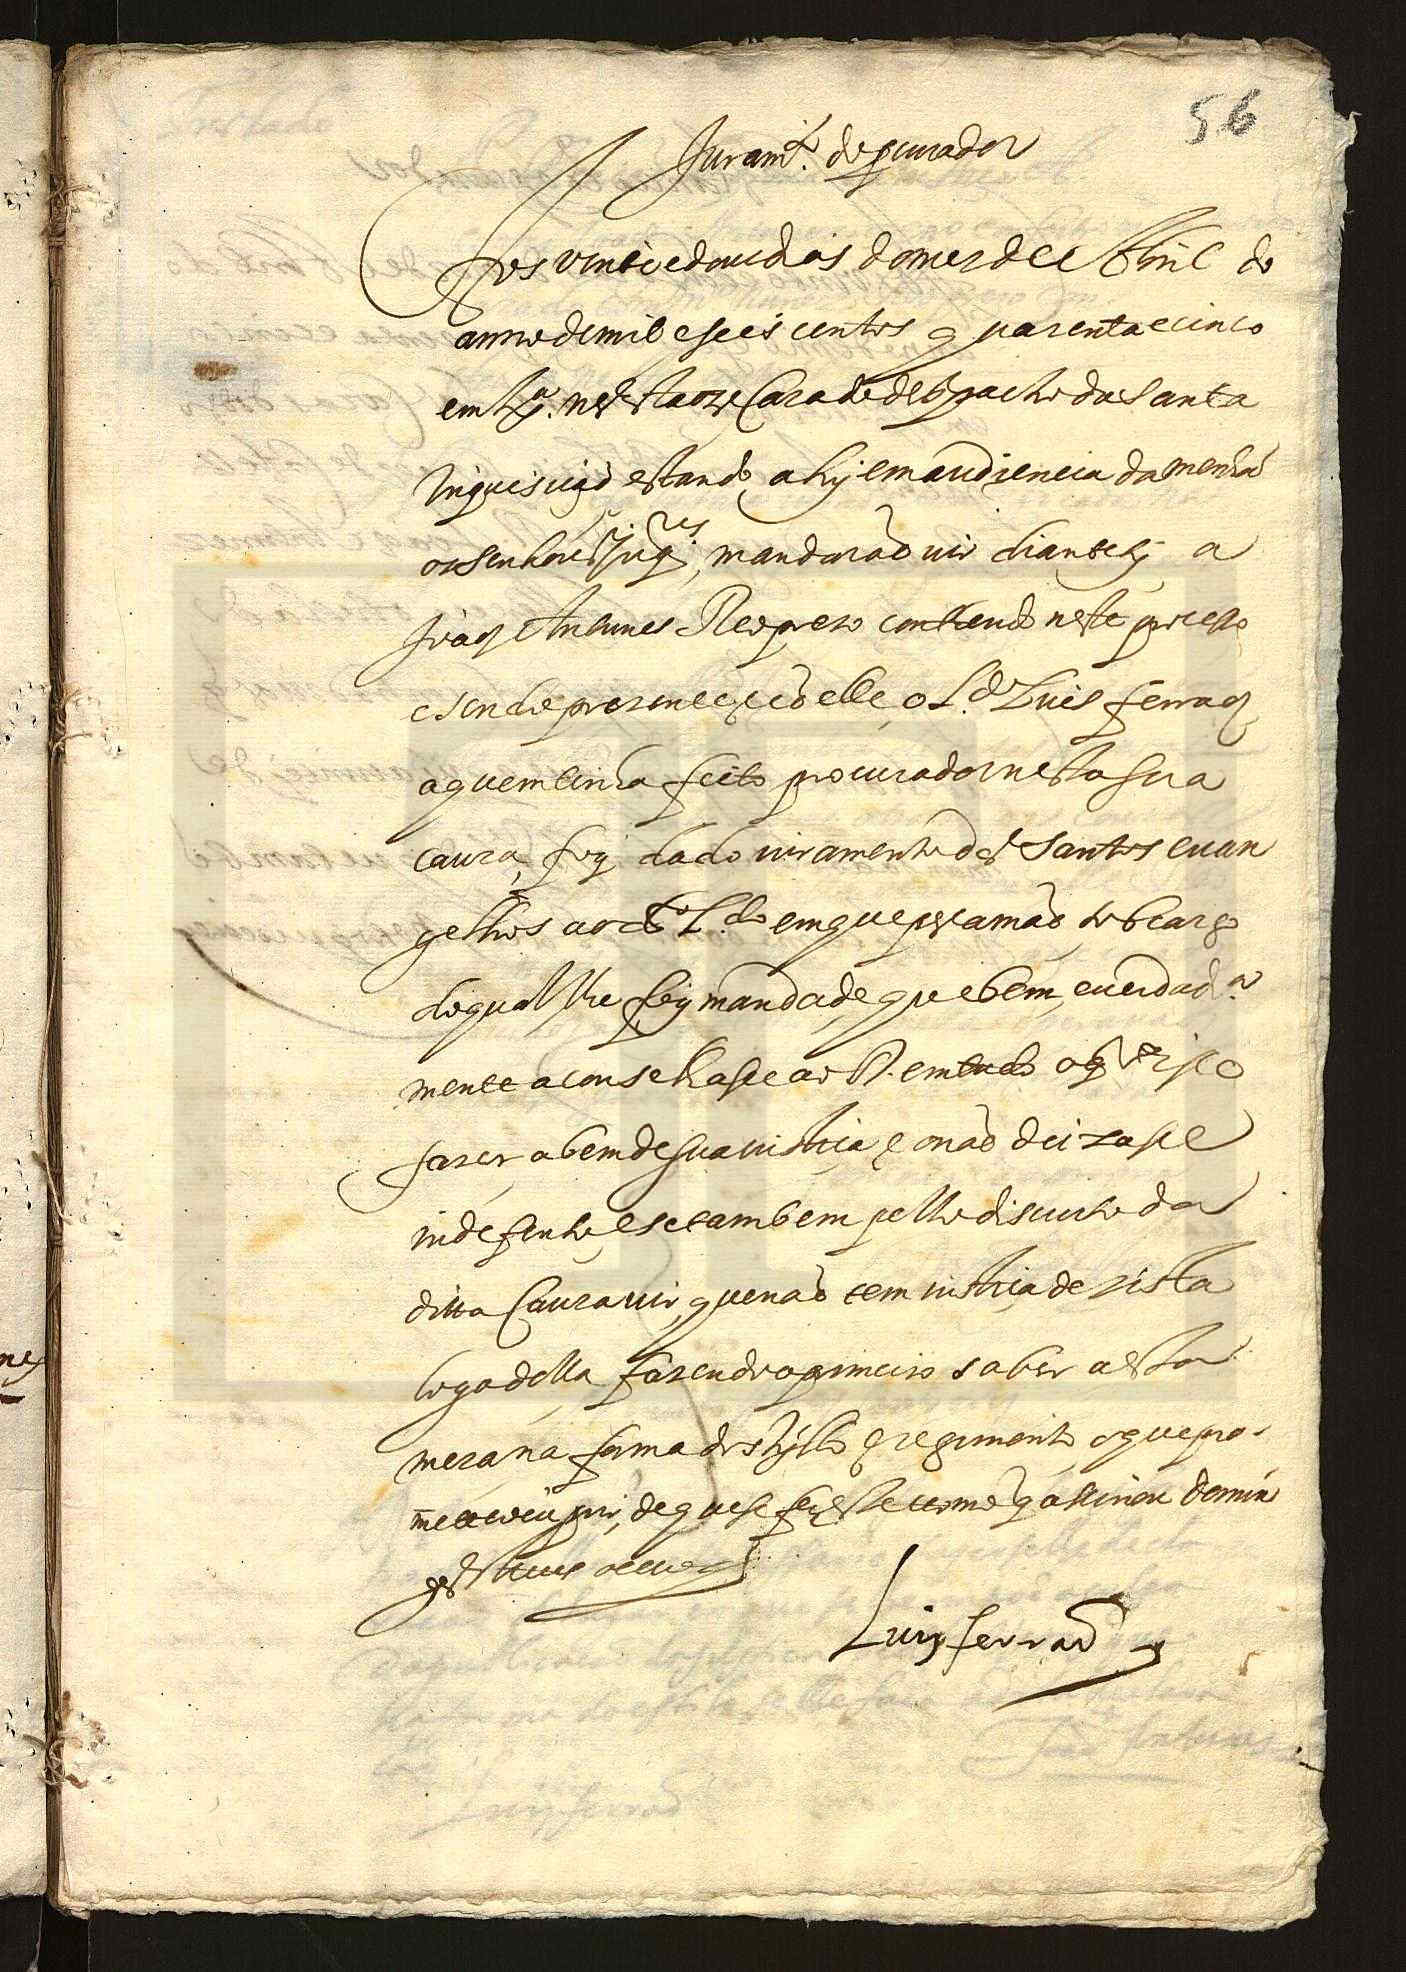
Juram.to do ꝓcurador
Aos vinte e dous dias do mes de Abril do
anno de mil e seiscentos quarenta e cinco
em Lxa. nos estaos e Caza do despacho da santa
Inquisiçaõ estando ahy em audiencia da menhā
os senhores Jnqres, mandaraõ uir diante sy a
Joaõ Antunes Reo preso contheudo neste processo
e sendo prezente e cō elle, o L.do Luis ferraõ
a quem tinha feito procurador nesta sua
cauza, foy dado iuramento dos santos euan
gelhos ao d̄o L.do em que pos a maõ, sob cargo
do qual lhe foy mandado, que bem, e uerdad.a
mente aconselhasse ao R. em tudo o q̄ isso
fazer, a bem de sua iustiça e o naõ deixasse
indefenso, e se tambem pello discurso da
ditta Cauza uir, que naõ tem iustiça dezista
logo della fazendo o primeiro saber a esta
meza na forma do styllo e regimento, o que pro
metteo cūprir, de que se fez este termo q̄ assinou domin
gos esteues o escrey
Luis ferraõ
